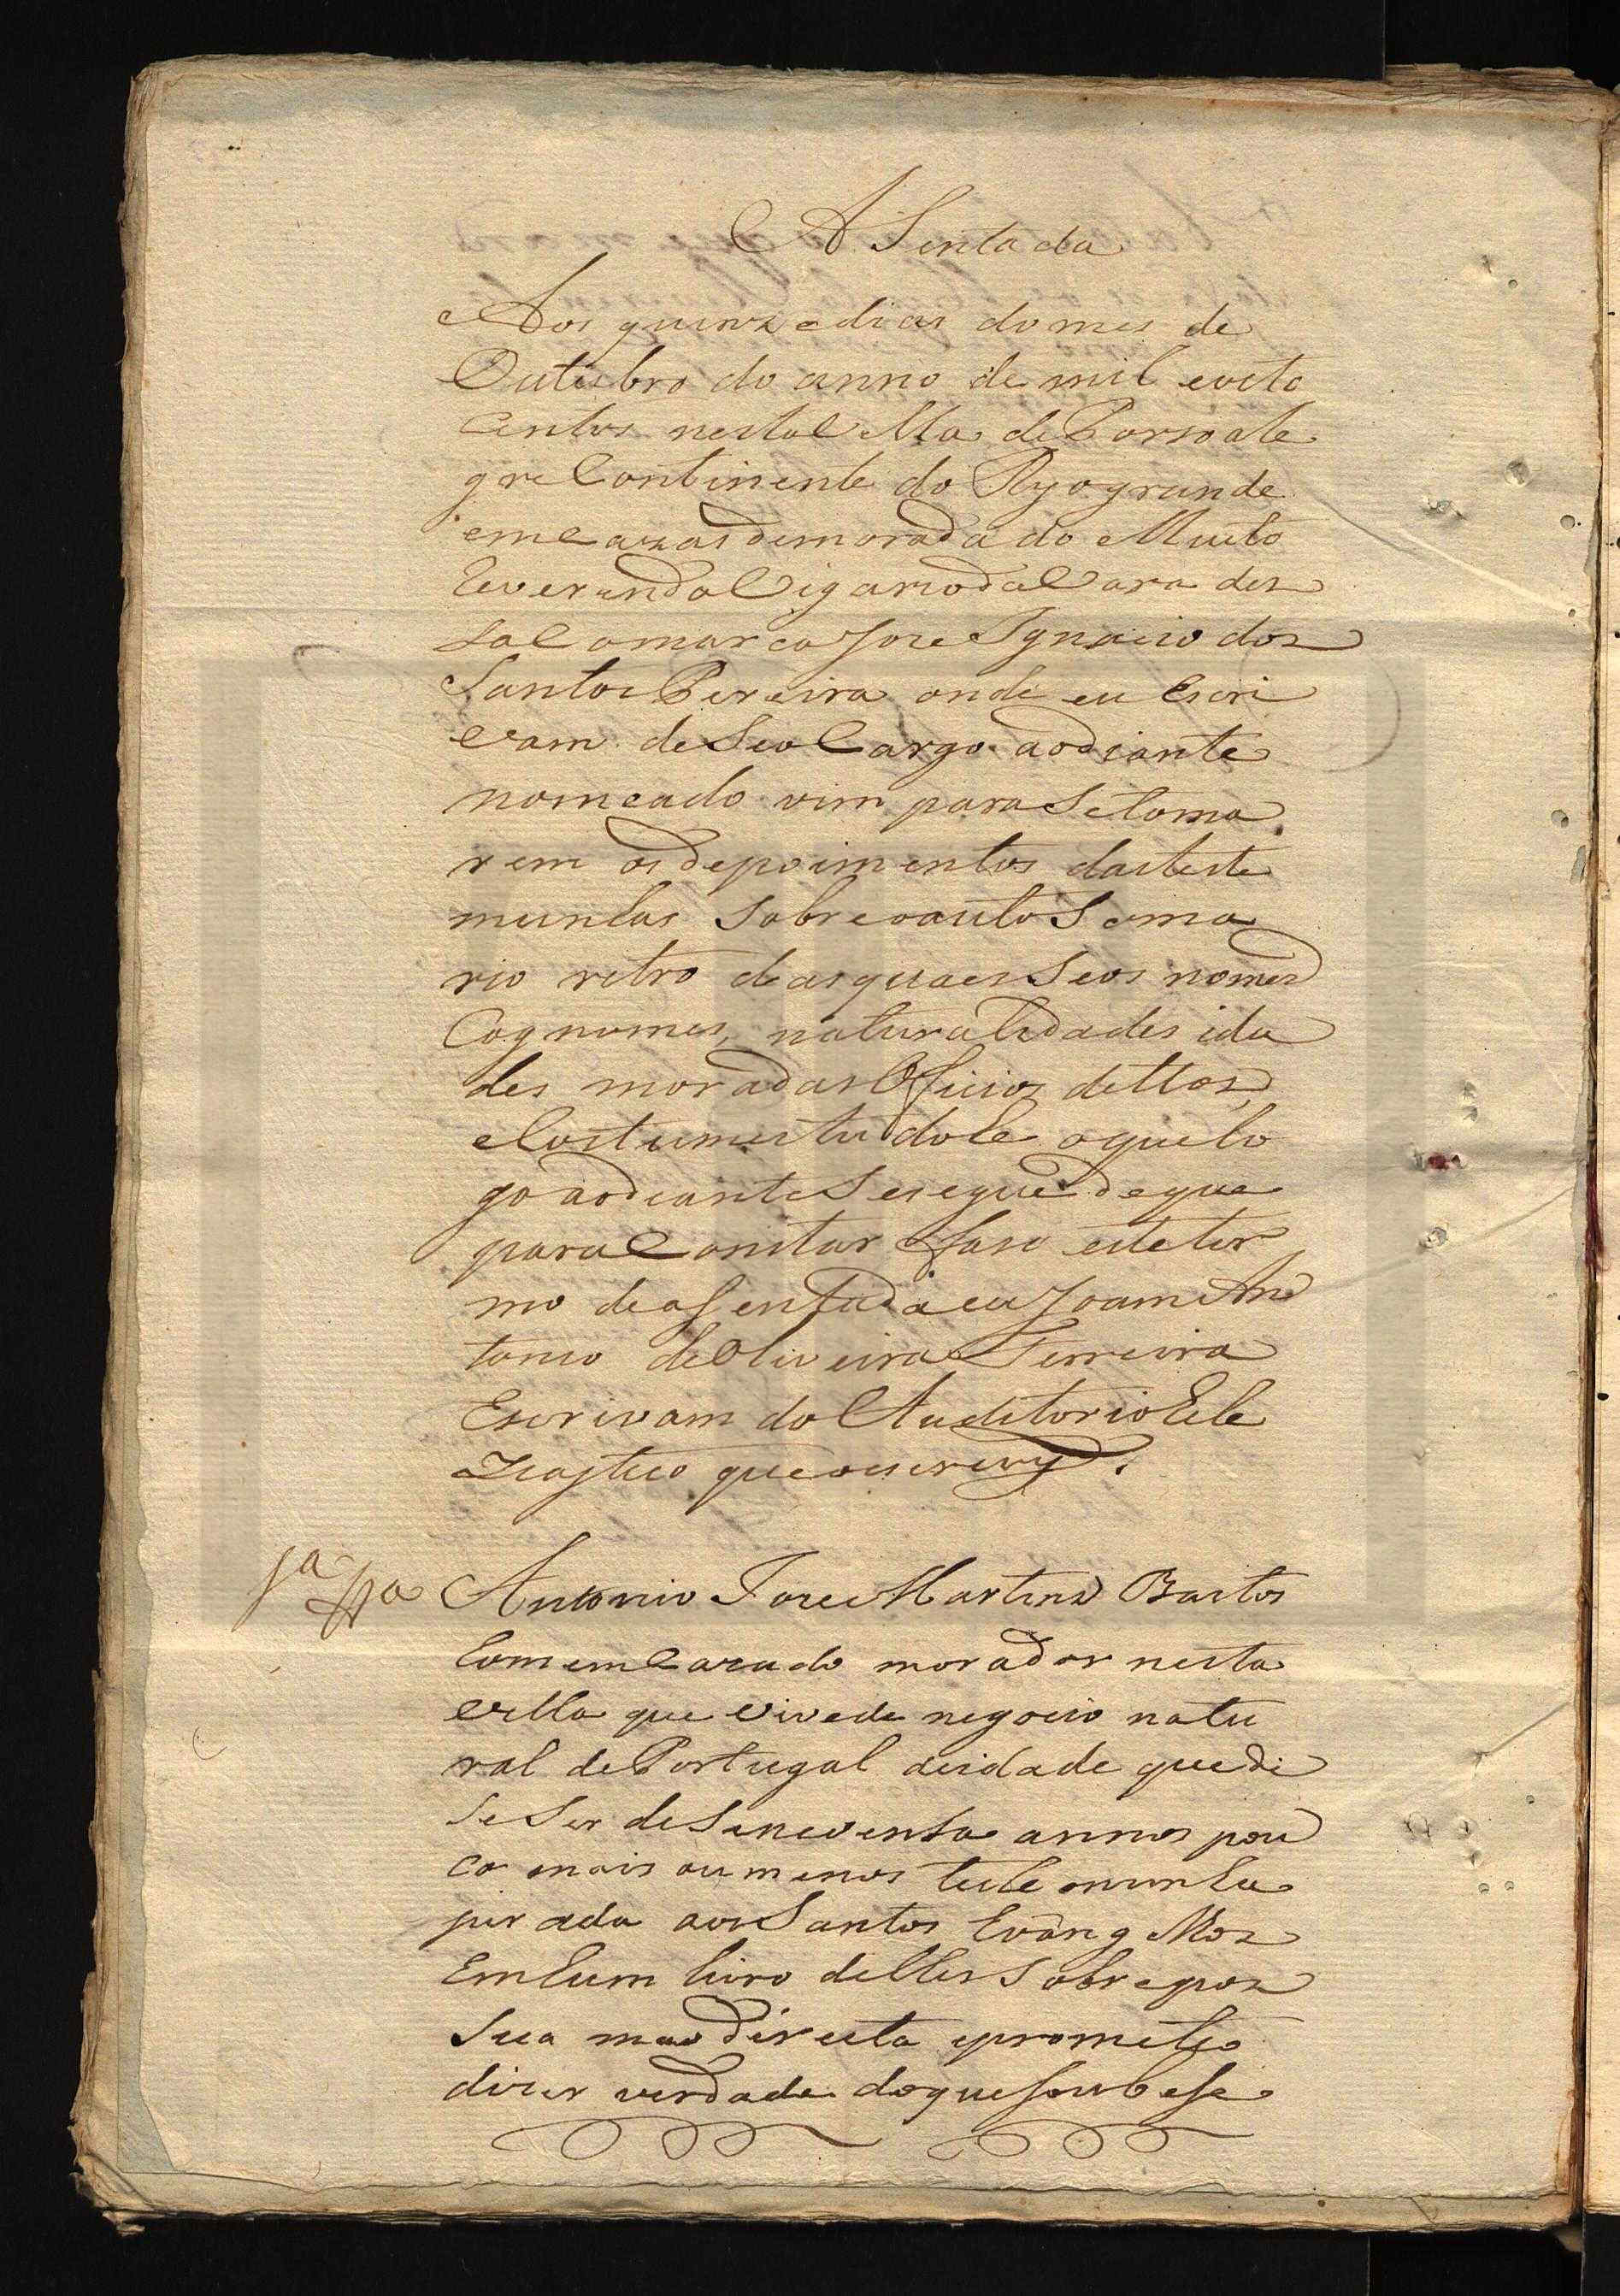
ASentada
Aos quinze dias do mes de
Outubro do anno de mil e oito
Centos nesta Villa de Porto ale
gre Continente do Ryo grande
em cazas de morada do Muito
Reverendo Vigario da Vara des
ta comarca Joze Ignacio dos
Santos Pereira, onde eu Escri
vam de Seo Cargo aodiante
nomeado vim para Se toma
rem os depoimentos das teste
munhas sobre o auto Suma
rio retro das quaes Seos nomes
Cognomes, naturalidades ida
des moradas Oficios dittos,
e Costumes tudo he o que lo
go aodeante Sesegue de que
para Constar faso este ter
mo de asentada eu Joam An
tonio de Oliveira Ferreira
Escrivam do Auditorio Ecle
ziastico que o escrevy
1a tta Antonio Ioze Martinz Bastos
Homem Cazado morador nesta
villa que vive de negocio natu
ral de Portugal de idade que di
se Ser de Sancoenta annos pou
co mais ou menos testemunha
jurada aos Santos Evangelhos
Em hum livro delles sobrepos
sua maõ direita e prometeo
dizer verdade do que soubese
